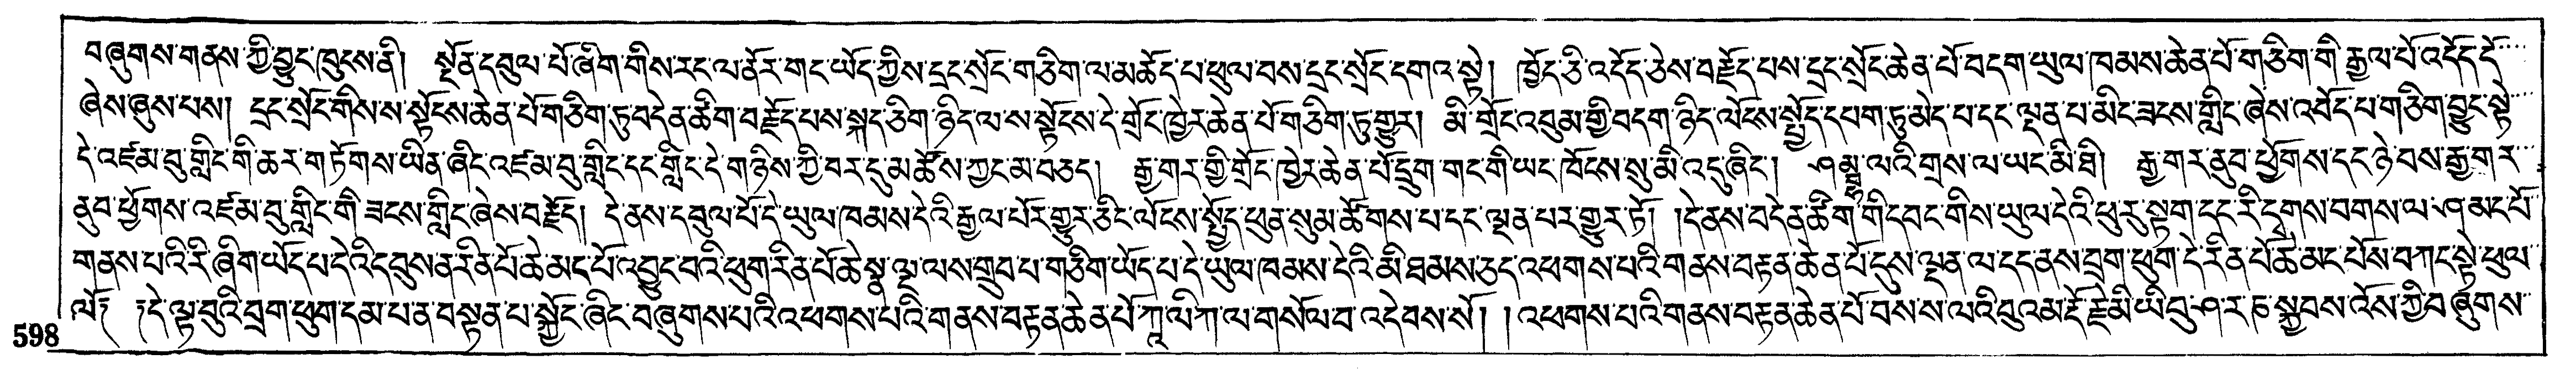བཞུགས་གནས་ཀྱི་བྱུང་ཁུངས་ནི། སྔོན་དབུལ་པོ་ཞིག་གིས་རང་ལ་ནོར་གང་ཡོད་ཀྱིས་དྲང་སྲོང་གཅིག་ལ་མཆོད་པ་ཕུལ་བས་དྲང་སྲོང་དགའ་སྟེ། ཁྱོད་ཅི་འདོད་ཅེས་བརྗོད་པས་དྲང་སྲོང་ཆེན་པོ་བདག་ཡུལ་ཁམས་ཆེན་པོ་གཅིག་གི་རྒྱལ་པོ་འདོད་དོ་
ཞེས་ཞུས་པས། དྲང་སྲོང་གིས་ས་སྟོངས་ཆེན་པོ་གཅིག་ཏུ་བདེན་ཚིག་བརྗོད་པས་སྐད་ཅིག་ཉིད་ལ་ས་སྟོང་དེ་གྲོང་ཁྱེར་ཆེན་པོ་གཅིག་ཏུ་གྱུར། མི་གྲོང་འབུམ་གྱི་བདག་ཉིད་ལོངས་སྤྱོད་དཔག་ཏུ་མེད་པ་དང་ལྡན་པ་མིང་ཟངས་གླིང་ཞེས་འབོད་པ་གཅིག་བྱུང་སྟེ་
དེ་འཛམ་བུ་གླིང་གི་ཆར་གཏོགས་ཡིན་ཞིང་འཛམ་བུ་གླིང་དང་གླིང་དེ་གཉིས་ཀྱི་བར་དུ་མཚོས་ཀྱང་མ་བཅད། རྒྱ་གར་གྱི་གྲོང་ཁྱེར་ཆེན་པོ་དྲུག་གང་གི་ཡང་ཁོངས་སུ་མི་འདུ་ཞིང་། ཤམྦྷ་ལའི་གྲས་ལ་ཡང་མི་ཐི། རྒྱ་གར་ནུབ་ཕྱོགས་དང་ཉེ་བས་རྒྱ་གར་
ནུབ་ཕྱོགས་འཛམ་བུ་གླིང་གི་ཟངས་གླིང་ཞེས་བརྗོད། དེ་ནས་དབུལ་པོ་དེ་ཡུལ་ཁམས་དེའི་རྒྱལ་པོར་གྱུར་ཅིང་ལོངས་སྤྱོད་ཕུན་སུམ་ཚོགས་པ་དང་ལྡན་པར་གྱུར་ཏོ། །དེ་ནས་བདེན་ཚིག་གི་དབང་གིས་ཡུལ་དེའི་ཕུ་རུ་སྟག་དང་རི་དྭགས་བགས་ལ་ཤ་མང་པོ་
གནས་པའི་རི་ཞིག་ཡོད་པ་དེའི་དབུས་ན་རིན་པོ་ཆེ་མང་པོ་འབྱུང་བའི་ཕུག་རིན་པོ་ཆེ་སྣ་ལྔ་ལས་གྲུབ་པ་གཅིག་ཡོད་པ་དེ་ཡུལ་ཁམས་དེའི་མི་ཐམས་ཅད་འཕགས་པའི་གནས་བརྟན་ཆེན་པོ་དུས་ལྡན་ལ་དད་ནས་བྲག་ཕུག་དེ་རིན་པོ་ཆེ་མང་པོས་བཀད་སྟེ་ཕུལ་
ལོ༑ ༑དེ་ལྟ་བུའི་བྲག་ཕུག་དམ་པ་ན་བསྟན་པ་སྐྱོང་ཞིང་བཞུགས་པའི་འཕགས་པའི་གནས་བརྟན་ཆེན་པོ་ཀཱ་ལི་ཀ་ལ་གསོལ་བ་འདེབས་སོ། །འཕགས་པའི་གནས་བརྟན་ཆེན་པོ་བས་ས་ལའི་བུའམ་རྡོ་རྗེ་མོ་ཡི་བུ་ཤ་ར་ཎ་སྐྱབས་འོས་ཀྱི་བཞུགས་